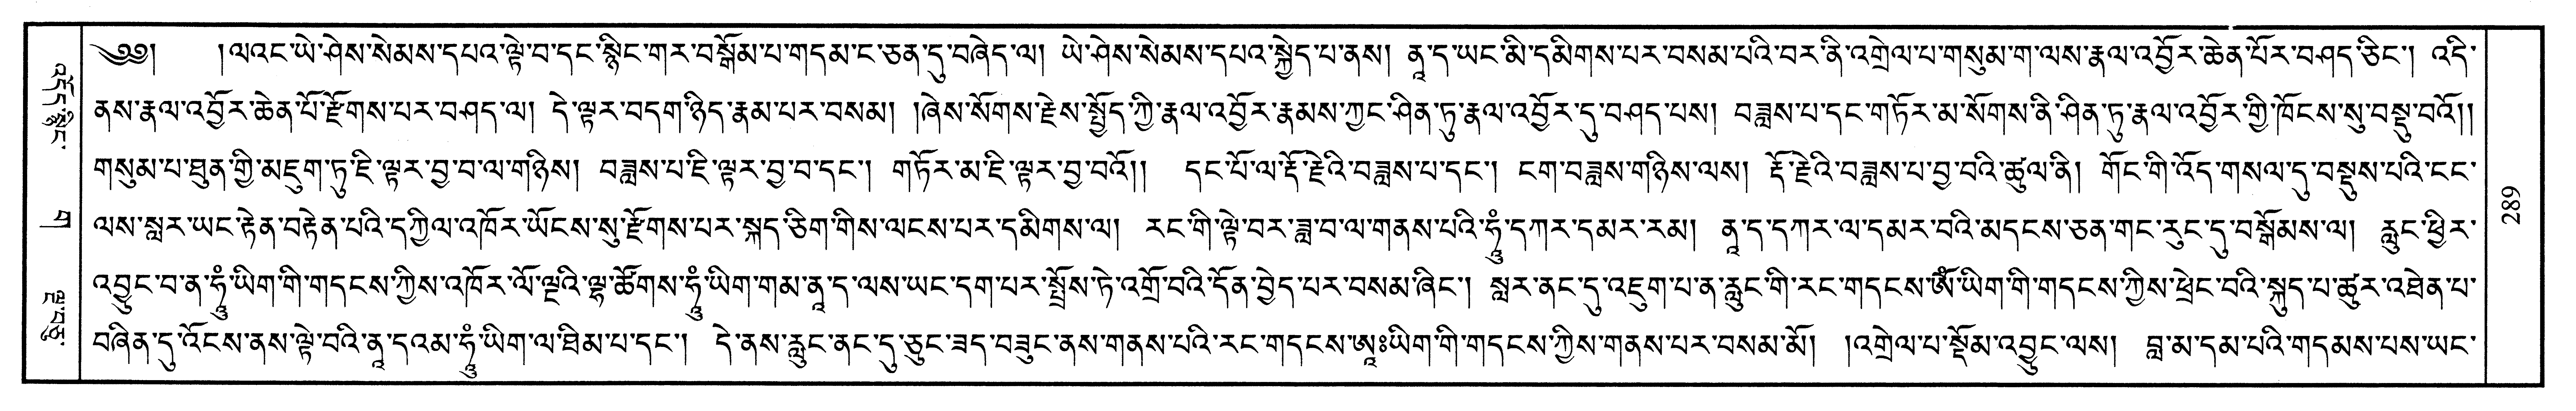༄༅། །ལའང་ཡེ་ཤེས་སེམས་དཔའ་ལྟེ་བ་དང་སྙིང་གར་བསྒོམ་པ་གདམ་ང་ཅན་དུ་བཞེད་ལ། ཡེ་ཤེས་སེམས་དཔའ་སྐྱེད་པ་ནས། ནཱ་ད་ཡང་མི་དམིགས་པར་བསམ་པའི་བར་ནི་འགྲེལ་པ་གསུམ་ག་ལས་རྣལ་འབྱོར་ཆེན་པོར་བཤད་ཅིང་། འདི་
ནས་རྣལ་འབྱོར་ཆེན་པོ་རྫོགས་པར་བཤད་ལ། དེ་ལྟར་བདག་ཉིད་རྣམ་པར་བསམ། །ཞེས་སོགས་རྗེས་སྤྱོད་ཀྱི་རྣལ་འབྱོར་རྣམས་ཀྱང་ཤིན་ཏུ་རྣལ་འབྱོར་དུ་བཤད་པས། བཟླས་པ་དང་གཏོར་མ་སོགས་ནི་ཤིན་ཏུ་རྣལ་འབྱོར་གྱི་ཁོངས་སུ་བསྡུ་བའོ།།
གསུམ་པ་ཐུན་གྱི་མཇུག་ཏུ་ཇི་ལྟར་བྱ་བ་ལ་གཉིས། བཟླས་པ་ཇི་ལྟར་བྱ་བ་དང་། གཏོར་མ་ཇི་ལྟར་བྱ་བའོ།། དང་པོ་ལ་རྡོ་རྗེའི་བཟླས་པ་དང་། ངག་བཟླས་གཉིས་ལས། རྡོ་རྗེའི་བཟླས་པ་བྱ་བའི་ཚུལ་ནི། གོང་གི་འོད་གསལ་དུ་བསྡུས་པའི་ངང་
ལས་སླར་ཡང་རྟེན་བརྟེན་པའི་དཀྱིལ་འཁོར་ཡོངས་སུ་རྫོགས་པར་སྐད་ཅིག་གིས་ལངས་པར་དམིགས་ལ། རང་གི་ལྟེ་བར་ཟླ་བ་ལ་གནས་པའི་ཧཱུཾ་དཀར་དམར་རམ། ནཱ་ད་དཀར་ལ་དམར་བའི་མདངས་ཅན་གང་རུང་དུ་བསྒོམས་ལ། རླུང་ཕྱིར་
འབྱུང་བ་ན་ཧཱུཾ་ཡིག་གི་གདངས་ཀྱིས་འཁོར་ལོ་ལྔའི་ལྷ་ཚོགས་ཧཱུཾ་ཡིག་གམ་ནཱ་ད་ལས་ཡང་དག་པར་སྤྲོས་ཏེ་འགྲོ་བའི་དོན་བྱེད་པར་བསམ་ཞིང་། སླར་ནང་དུ་འཇུག་པ་ན་རླུང་གི་རང་གདངས་ཨོཾ་ཡིག་གི་གདངས་ཀྱིས་ཕྲེང་བའི་སྐུད་པ་ཚུར་འཐེན་པ་
བཞིན་དུ་འོངས་ནས་ལྟེ་བའི་ནཱ་དའམ་ཧཱུཾ་ཡིག་ལ་ཐིམ་པ་དང་། དེ་ནས་རླུང་ནང་དུ་ཅུང་ཟད་བཟུང་ནས་གནས་པའི་རང་གདངས་ཨཱཿ ཡིག་གི་གདངས་ཀྱིས་གནས་པར་བསམ་མོ། །འགྲེལ་པ་སྡོམ་འབྱུང་ལས། བླ་མ་དམ་པའི་གདམས་པས་ཡང་